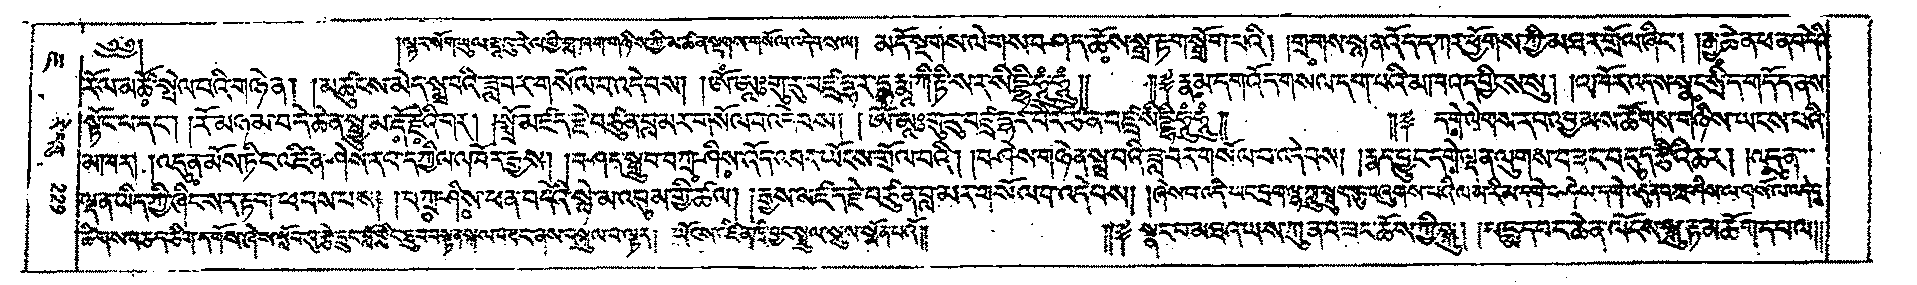༄༅། །ལྟར་སོགས་ཡུལ་རྫཱ་ཁུ་རེལ་གྱི་བླ་ཁག་གཉིས་ཀྱི་མཚན་སྔགས་གསོལ་འདེབས་ལ། མདོ་སྔགས་ལེགས་བཤད་ཆོས྾་སྒྲ་རྟག་སྒྲོག་པའི། །གྲགས྾་སྙན་འོད་དཀར་ཕྱོགས་ཀྱི་མཐར་གྲོལ་ཞིང་། །རྒྱ྾་ཆེན་ཕན་བདེའི་
རོལ་མཚོ྾་སྤེལ་བའི་གཉེན། །མཚུངས་མེད་སྨྲ་བའི་ཟླ་བར་གསོལ་བ་འདེབས། །ཨོཾ་ཨཱཿ གུ་རུ་བཛྲ་དྷར་དྷརྨཱ་ཀིརྟི་ས་ར་སིདྡྷི་ཧཱུཾ་ཧཱུཾ།། །། ༈ རྣམ྾་དག་འོད་གསལ་དག་པའི་མཁའ་དབྱིངས་སུ། །འཁོར་འདས་སྣང྾་སྲིད་གདོད་ནས་
སྟོང་པ་དང་། །རོ་མཉམ་བདེ་ཆེན་སྒྱུ་མ་རྡོ྾་རྗེའི྾་གར། །སྤྲོ་མཛད་རྗེ་བཙུན་བླ་མར་གསོལ་བ་འདེབས། །ཨོཾ་ཨཱཿ གུ་རུ་བཛྲ་དྷ་ར་བཻ་ར་ཙ་ན་བཛྲ་སིདྡྷི་ཧཱུཾ་ཧཱུཾ།། །། ༈ དགེ྾་ལེགས་རབ་འབྱམས་ཚོགས་གཉིས་ཡངས་པའི་
མཁར། །འདུན྾་མོས་ཏིང་འཛིན་ཤེས་རབ་དཀྱིལ་འཁོར་རྒྱས། །བཤད་སྒྲུབ་བཀྲ྾་ཤིས྾་འོད་འབར་ཡོངས་གྲོལ་བའི། །བཤེས་གཉེན་སྨྲ་བའི་ཟླ་བར་གསོལ་བ་འདེབས། །རྨད་བྱུང་དགེ྾་ལྡན་ལུགས་བཟང་བདུད་རྩིའི་ཆར། །འདུན྾་
ལྡན་ཡིད་ཀྱི་ཞིང་སར་རྟག་ཕབས་པས། །བཀྲ྾་ཤིས྾་ཕན་བདེའི་སྙེ་མ་འབུམ་གྱི་ཚལ། །རྒྱས་མཛད་རྗེ་བཙུན་བླ་མར་གསོལ་བ་འདེབས། །ཞེས་པ་འདི་ཡང་བྲག་ལྷ་ཀླུ་སྦུག་ཏུ་བཞུགས་པའི་ལམ་རིམ་དགེ་བཤེས་དགེ་འདུན་བཀྲ་ཤིས་ལ་གསོལ་འདེབས་
ཚིགས་བཅད་ཅིག་དགོས་ཞེས་སློབ་བུ་རྩེ་དྲུང་བློ་གླིང་ཐུབ་བསྟན་སྐལ་བཟང་ནས་བསྐུལ་བ་ལྟར། ཡོངས་འཛིན་ཁྲི་བྱང་སྤྲུལ་སྐུས་སྨོན་པའོ།། །། ༈ སྣང་བ་མཐའ་ཡས་ཀུན་བཟང་ཆོས་ཀྱི་སྐུ། །པདམ་དབང་ཆེན་ལོངས་སྐུ་རྟ་མཆོག་དཔལ། །